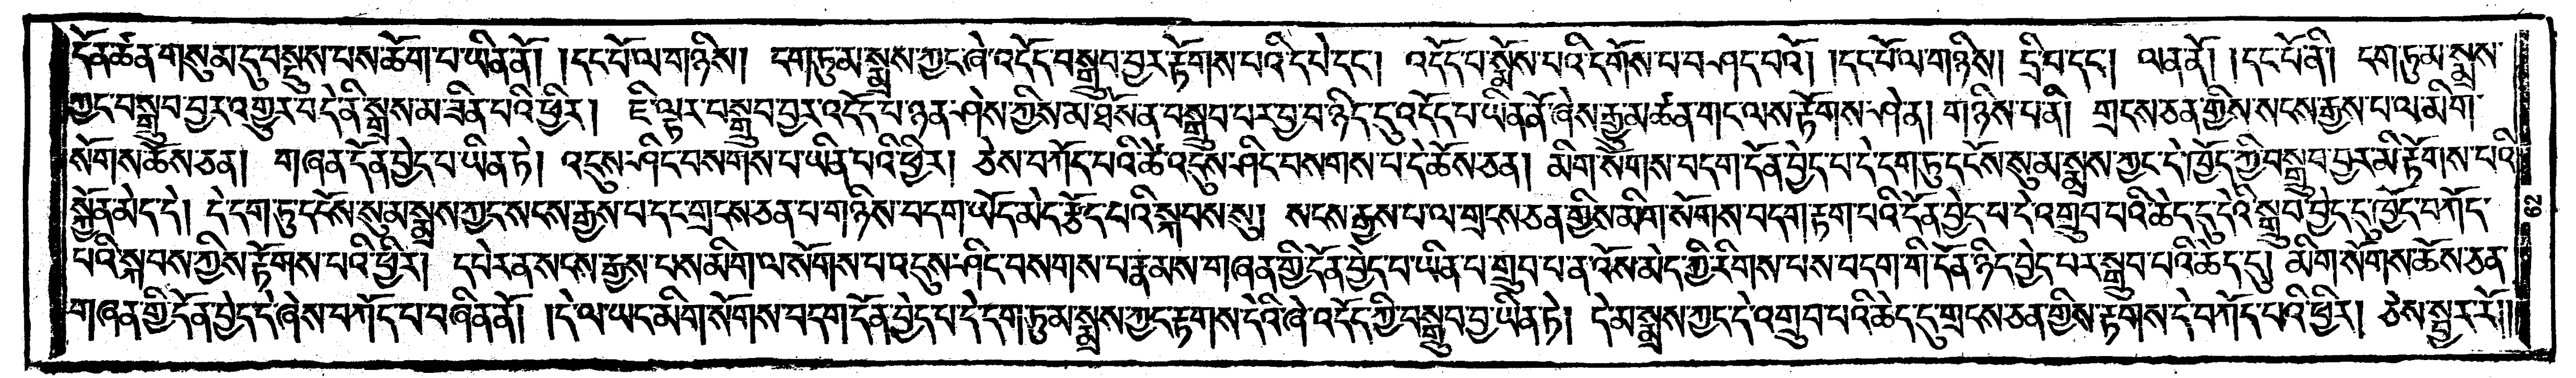དོན་ཚན་གསུམ་དུ་བསྡུས་པས་ཆོག་པ་ཡིན་ནོ། །དང་པོ་ལ་གཉིས། ངག་ཏུ་མ་སྨྲས་ཀྱང་ཞེ་འདོད་བསྒྲུབ་བྱར་རྟོགས་པའི་དཔེ་དང་། འདོད་པ་སྨོས་པའི་དགོས་པ་བཤད་པའོ། །དང་པོ་ལ་གཉིས། དྲི་བ་དང་། ལན་ནོ། །དང་པོ་ནི། ངག་ཏུ་མ་སྨྲས་
ཀྱང་བསྒྲུབ་བྱར་འགྱུར་བ་དེ་ནི་སྒྲས་མ་ཟིན་པའི་ཕྱིར། ཇི་ལྟར་བསྒྲུབ་བྱར་འདོད་པ་ཉན་ཤེས་ཀྱིས་མ་ཐོས་ན་བསྒྲུབ་པར་བྱ་བ་ཉིད་དུ་འདོད་པ་ཡིན་ནོ་ཞེས་རྒྱུ་མཚན་གང་ལས་རྟོགས་ཤེ་ན། གཉིས་པ་ནི། གྲངས་ཅན་གྱིས་སངས་རྒྱས་པ་ལ་མིག་
སོགས་ཆོས་ཅན། གཞན་དོན་བྱེད་པ་ཡིན་ཏེ། འདུས་ཤིང་བསགས་པ་ཡིན་པའི་ཕྱིར། ཅེས་བཀོད་པའི་ཚེ་འདུས་ཤིང་བསགས་པ་དེ་ཆོས་ཅན། མིག་སོགས་བདག་དོན་བྱེད་པ་དེ་དག་ཏུ་དངོས་སུ་མ་སྨྲས་ཀྱང་དེ་ཁྱོད་ཀྱི་བསྒྲུབ་བྱར་མི་རྟོགས་པའི་
སྐྱོན་མེད་དེ། དེ་དག་ཏུ་དངོས་སུ་མ་སྨྲས་ཀྱང་སངས་རྒྱས་པ་དང་གྲངས་ཅན་པ་གཉིས་བདག་ཡོད་མེད་རྩོད་པའི་སྐབས་སུ། སངས་རྒྱས་པ་ལ་གྲངས་ཅན་གྱིས་མིག་སོགས་བདག་རྟག་པའི་དོན་བྱེད་པ་དེ་འགྲུབ་པའི་ཆེད་དུ་དེའི་སྒྲུབ་བྱེད་དུ་ཁྱོད་བཀོད་
པའི་སྐབས་ཀྱིས་རྟོགས་པའི་ཕྱིར། དཔེར་ན་སངས་རྒྱས་པས་མིག་ལ་སོགས་པ་འདུས་ཤིང་བསགས་པ་རྣམས་གཞན་གྱི་དོན་བྱེད་པ་ཡིན་པ་གྲུབ་པ་ན་འོས་མེད་ཀྱི་རིགས་པས་བདག་གི་དོན་ཉིད་བྱེད་པར་སྒྲུབ་པའི་ཆེད་དུ། མིག་སོགས་ཆོས་ཅན་
གཞན་གྱི་དོན་བྱེད་དེ་ཞེས་བཀོད་པ་བཞིན་ནོ། །དེ་ལ་ཡང་མིག་སོགས་བདག་དོན་བྱེད་པ་དེ་དག་ཏུ་མ་སྨྲས་ཀྱང་རྟགས་དེའི་ཞེ་འདོད་ཀྱི་བསྒྲུབ་བྱ་ཡིན་ཏེ། དེ་མ་སྨྲས་ཀྱང་དེ་འགྲུབ་པའི་ཆེད་དུ་གྲངས་ཅན་གྱིས་རྟགས་དེ་བཀོད་པའི་ཕྱིར། ཅེས་སྦྱར་རོ།།